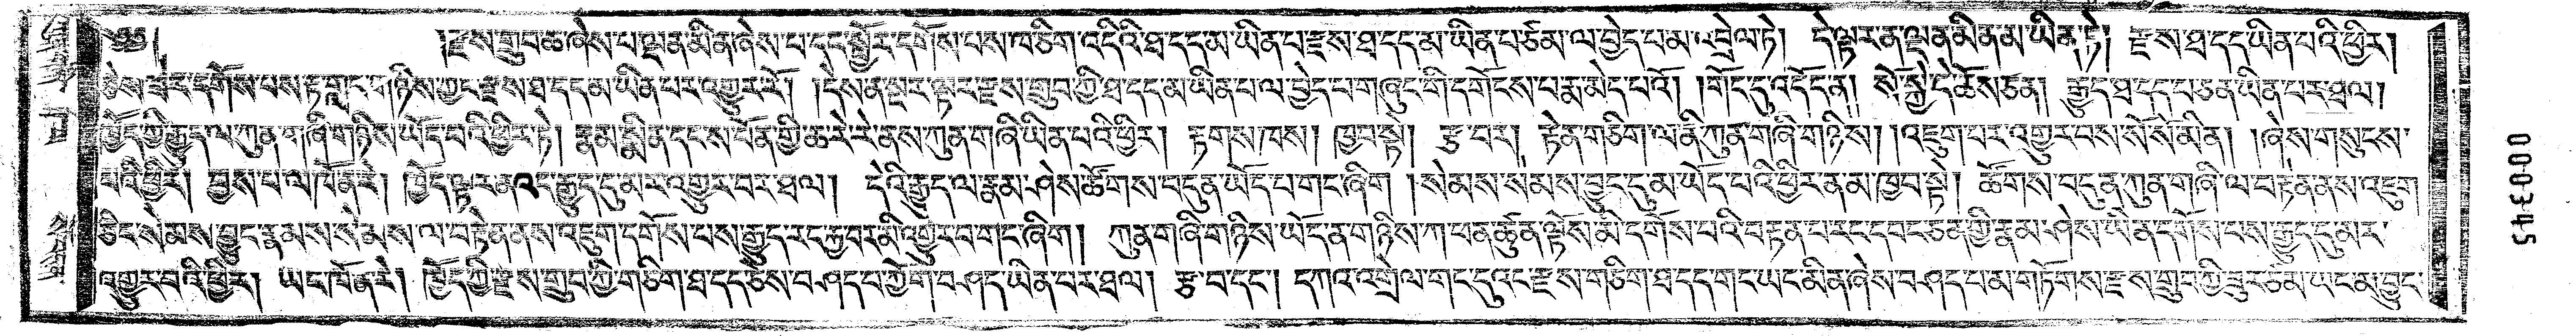༄༅། །རྫས་གྲུབ་ཆ་ཞེས་པ་ལྡན་མིན་ཞེས་པ་དང་སྦྱོར་དགོས་པས་ཁ་ཅིག་འདིའི་ཐ་དད་མ་ཡིན་པ་རྫས་ཐ་དད་མ་ཡིན་པ་ཙམ་ལ་བྱེད་པ་མ་འབྲེལ་ཏེ། དེ་ལྟར་ན་ལྡན་མིན་མ་ཡིན་ཏེ། རྫས་ཐ་དད་ཡིན་པའི་ཕྱིར།
ཅེས་ཟེར་དགོས་པས་རྟ་གླང་གཉིས་ཀྱང་རྫས་ཐ་དད་མ་ཡིན་པར་འགྱུར་རོ། །དེས་ན་སྔར་ལྟར་རྫས་གྲུབ་ཀྱི་ཐ་དད་མ་ཡིན་པ་ལ་བྱེད་པ་གཞུང་གི་དགོངས་པ་རྨ་མེད་པའོ། །གོང་དུ་འདོད་ན། སོ་སྐྱེ་དེ་ཆོས་ཅན། རྒྱུད་ཐ་དད་པ་ཅན་ཡིན་པར་ཐལ།
ཁྱོད་ཀྱི་རྒྱུད་ལ་ཀུན་གཞི་གཉིས་ཡོད་པའི་ཕྱིར་ཏེ། རྣམ་སྨིན་དང་ས་བོན་གྱི་མ་རེ་རེ་ནས་ཀུན་གཞི་ཡིན་པའི་ཕྱིར། རྟགས་ཁས། ཁྱབ་སྟེ། རྩ་བར། རྟེན་གཅིག་ལ་ནི་ཀུན་གཞི་གཉིས། །འཇུག་པར་འགྱུར་བས་སོ་སོ་མིན། །ཞེས་གསུངས་
པའི་ཕྱིར། བྱས་པ་ལ་ཁོ་ན་རེ། ཁྱོད་ལྟར་ནའང་རྒྱུད་དུ་མར་འགྱུར་བར་ཐལ། དེའི་རྒྱུད་ལ་རྣམ་ཤེས་ཚོགས་བདུན་ཡོད་པ་གང་ཞིག །སེམས་སེམས་བྱུང་དུ་མ་ཡོད་པའི་ཕྱིར་ནམ་ཁྱབ་སྟེ། ཚོགས་བདུན་ཀུན་གཞི་ལ་བརྟེན་ནས་འཇུག་
ཅིང་སེམས་བྱུང་རྣམས་སེམས་ལ་བརྟེན་ནས་འཇུག་དགོས་པས་རྒྱུད་རང་རྒྱ་བར་མི་འགྱུར་བ་གང་ཞིག། ཀུན་གཞི་གཉིས་ཡོད་ན་གཉིས་ཀ་ཕན་ཚུན་ལྟོས་མི་དགོས་པའི་བརྟན་པ་རང་དབང་ཅན་གྱི་རྣམ་ཤེས་ཡིན་དགོས་པས་རྒྱུད་དུ་མར་
འགྱུར་བའི་ཕྱིར། ཡང་ཁོ་ན་རེ། ཁྱོད་ཀྱི་རྫས་གྲུབ་ཀྱི་གཅིག་ཐ་དད་ཅེས་བཤད་པ་ཀྱོག་བཤད་ཡིན་པར་ཐལ། རྩ་བ་དང་། དཀའ་འགྲེལ་གང་དུའང་རྫས་གཅིག་ཐ་དད་གང་ཡང་མིན་ཞེས་བཤད་པ་མ་གཏོགས་རྫས་གྲུབ་ཀྱི་ཟུར་ཙམ་ཡང་མ་བྱུང་